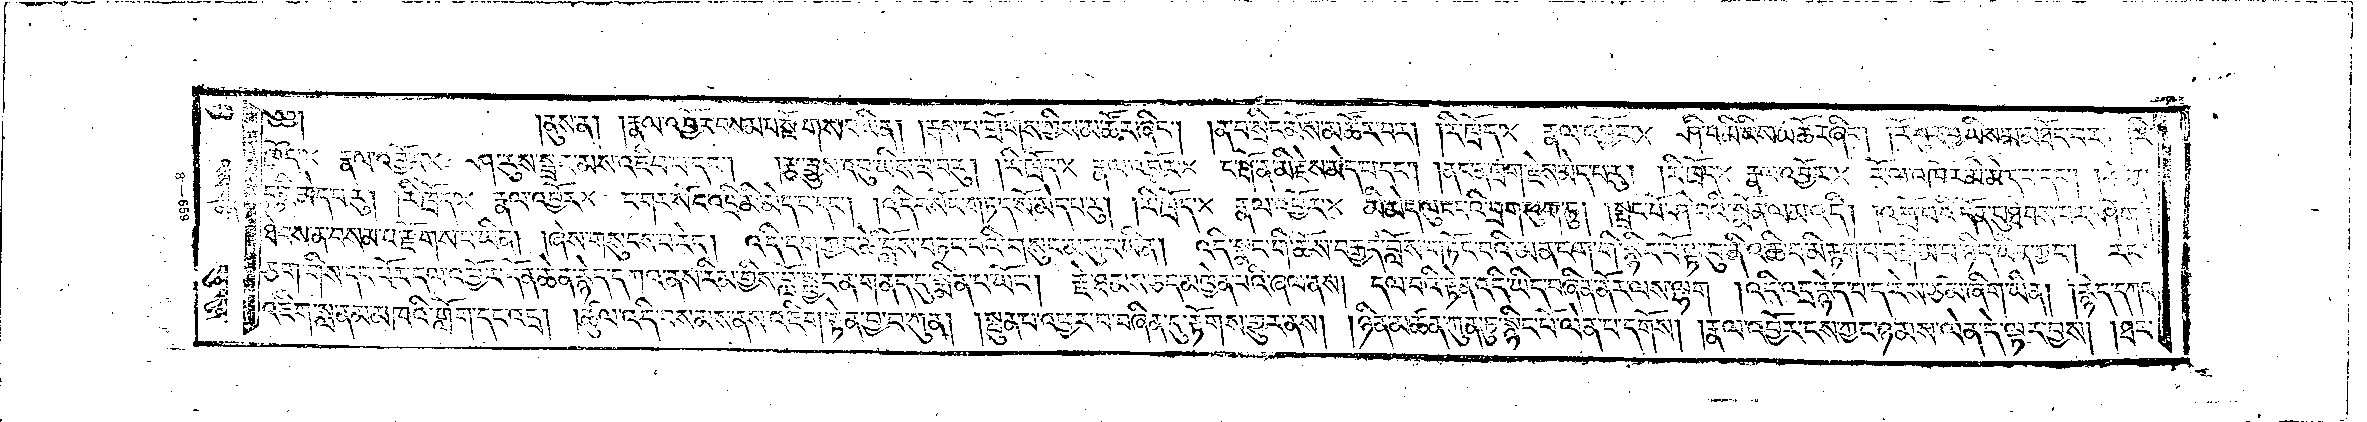༄༅། །ནུས་ན། །རྣལ་འབྱོར་བསམ་པ་རྫོགས་པ་ཡིན། །རྒས་པ་གྲོགས་ཀྱིས་མ་ཚོར་ཞིང་། །ན་བ་སྲིང་མོས་མ་ཚོར་བར། །རི་ཁྲོད་྾་རྣལ་འབྱོར་྾་ཤི་བ་མི་ཡིས་མ་ཚོར་ཞིང་། །རོ་རུལ་བྱ་ཡིས་མ་མཐོང་བར། །རི་
ཁྲོད་྾་རྣལ་འབྱོར་྾་ཤ་རུས་སྦྲང་མས་འཇིབ་པ་དང་། །རྩ་རྒྱུས་འབུ་ཡིས་ཟ་བ་རུ། །རི་ཁྲོད་྾་རྣལ་འབྱོར་྾་ང་སྒོ་ན་མི་རྗེས་མེད་པ་དང་། །ནང་ན་ཁྲག་རྗེས་མེད་པ་རུ། །རི་ཁྲོད་྾་རྣལ་འབྱོར་྾་རོ་ལ་འཁོར་མི་མེད་པ་དང་། །ཤི་ན་
དུ་མི་མེད་པ་རུ། །རི་ཁྲོད་྾་རྣལ་འབྱོར་྾་ང་གར་སོང་འདྲི་མི་མེད་པ་དང་། །འདིར་སོང་གཏད་སོ་མེད་པ་རུ། །རི་ཁྲོད་྾་རྣལ་འབྱོར་྾་མི་མེད་ལུང་པའི་བྲག་ཕུག་ཏུ། །སྤྲང་པོ་ཤི་བའི་སྨོན་ལམ་འདི། །འགྲོ་བའི་དོན་དུ་ཐེབས་པར་ཤོག།
ཐེབས་ན་བསམ་པ་རྫོགས་པ་ཡིན། །ཞེས་གསུངས་པ་རེད། འདི་དག་ཀྱང་ཚེ་བློས་བཏང་བའི་གསུང་མགུར་ཡིན། འདི་སྣང་གི་ཆོས་བརྒྱད་བློས་གཏོང་བའི་མན་ངག་གི་སྙིང་པོ་ལྟ་བུ་ནི་འཆི་བ་མི་རྟག་པ་བསྒོམ་པ་ཉིད་ཡིན་ཀྱང་། རང་
ཅག་གིས་དང་པོར་དལ་འབྱོར་དོན་ཆེན་རྙེད་དཀའ་ནས་རིམ་གྱིས་བློ་སྦྱང་ན་གནད་དུ་སྨིན་པ་ཡོང་། རྗེ་ཐམས་ཅད་མཁྱེན་པའི་ཞལ་ནས། དལ་བའི་རྟེན་འདི་ཡིད་བཞིན་ནོར་ལས་ལྷག །འདི་འདྲ་རྙེད་པ་ད་རེས་ཙམ་ཞིག་ཡིན། །རྙེད་དཀའ་
འཇིག་སླ་ནམ་མཁའི་གློག་དང་འདྲ། །ཚུལ་འདི་བསམས་ནས་འཇིག་རྟེན་བྱ་བ་ཀུན། །སྦུན་པ་འཕྱར་བ་བཞིན་དུ་རྟོགས་གྱུར་ནས། །ཉིན་མཚན་ཀུན་ཏུ་སྙིང་པོ་ལེན་པ་དགོས། །རྣལ་འབྱོར་ངས་ཀྱང་ཉམས་ལེན་དེ་ལྟར་བྱས། །ཐར་